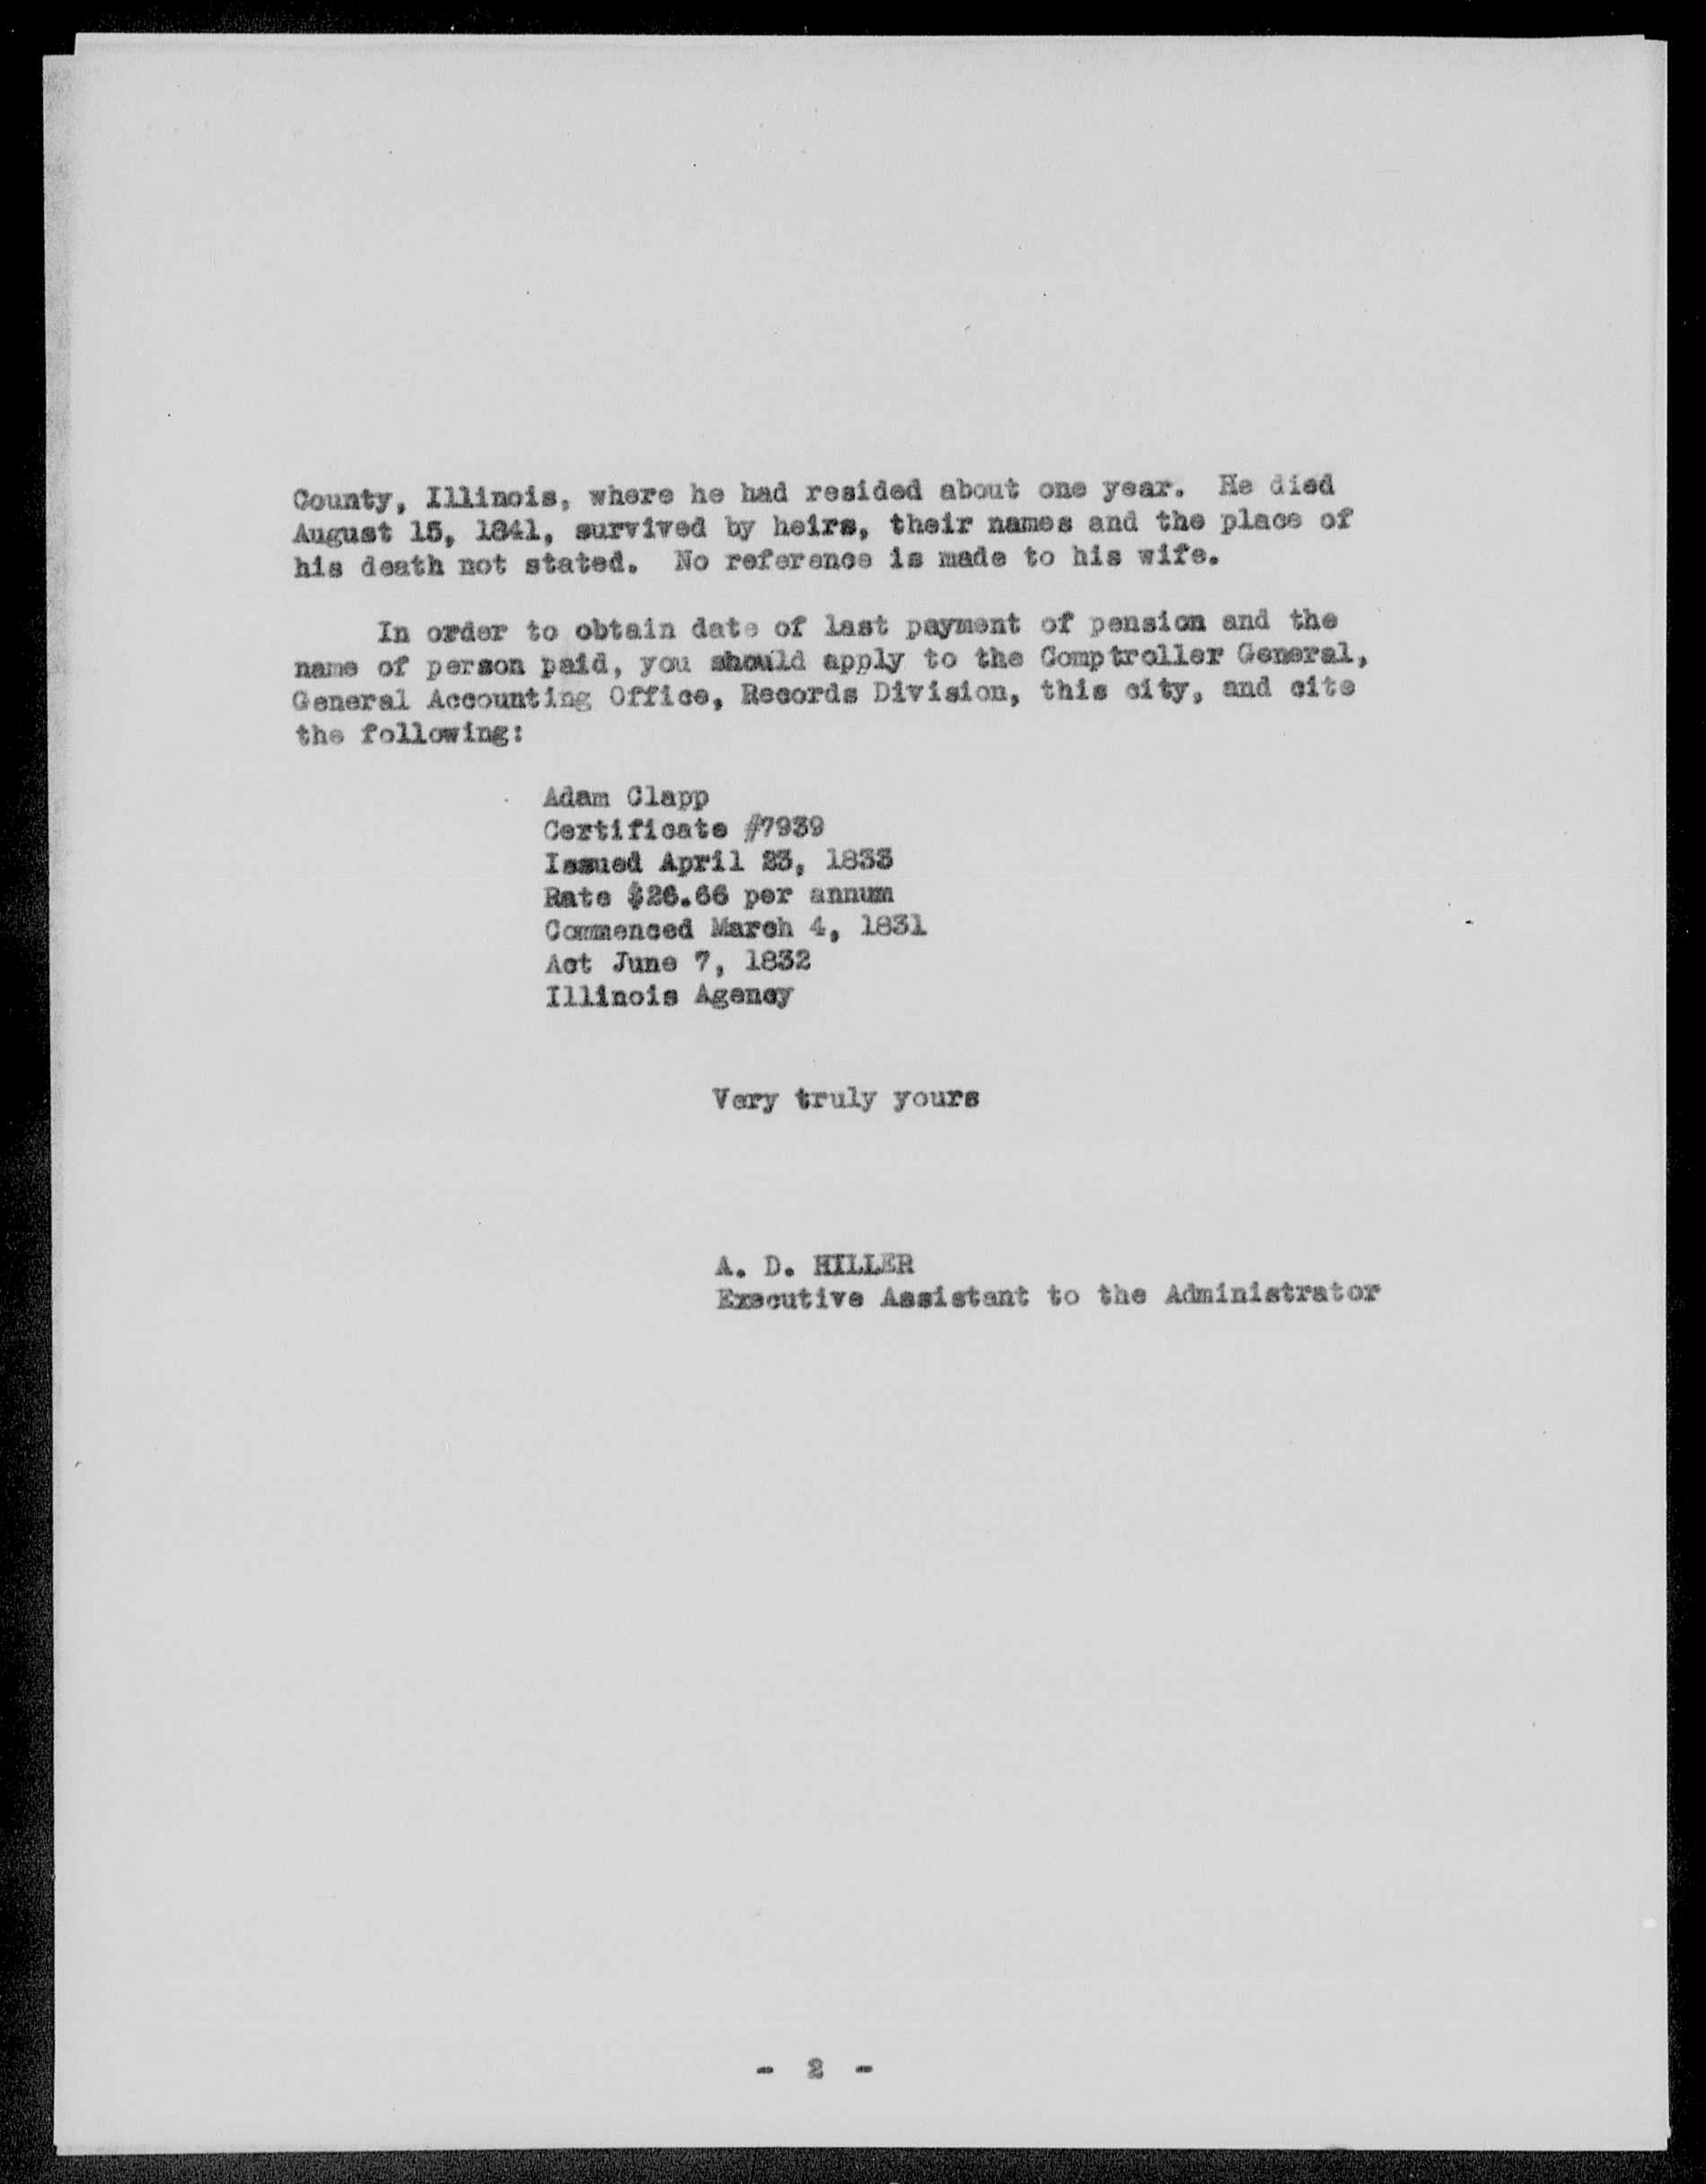County, Illinois, where he had resided about one year. He died
August 15, 1841, survived by heirs, their names and the place of
his death not stated. No reference is made to his wife.

In order to obtain date of last payment of pension and the
name of person paid, you should apply to the Comptroller General,
General Accounting Office, Records Division, this city, and cite
the following:

Adam Clapp
Certificate #7939
Issued April 23, 1833
Rate $26.66 per annum
Commenced March 4, 1831
Act June 7, 1832
Illinois Agency

Very truly yours

A. D. HILLER
Executive Assistant to the Administrator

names: Adam Clapp, A D Hiller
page: 12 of 23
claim: survivor's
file: S. 30,937, Adam Clapp, N.C.